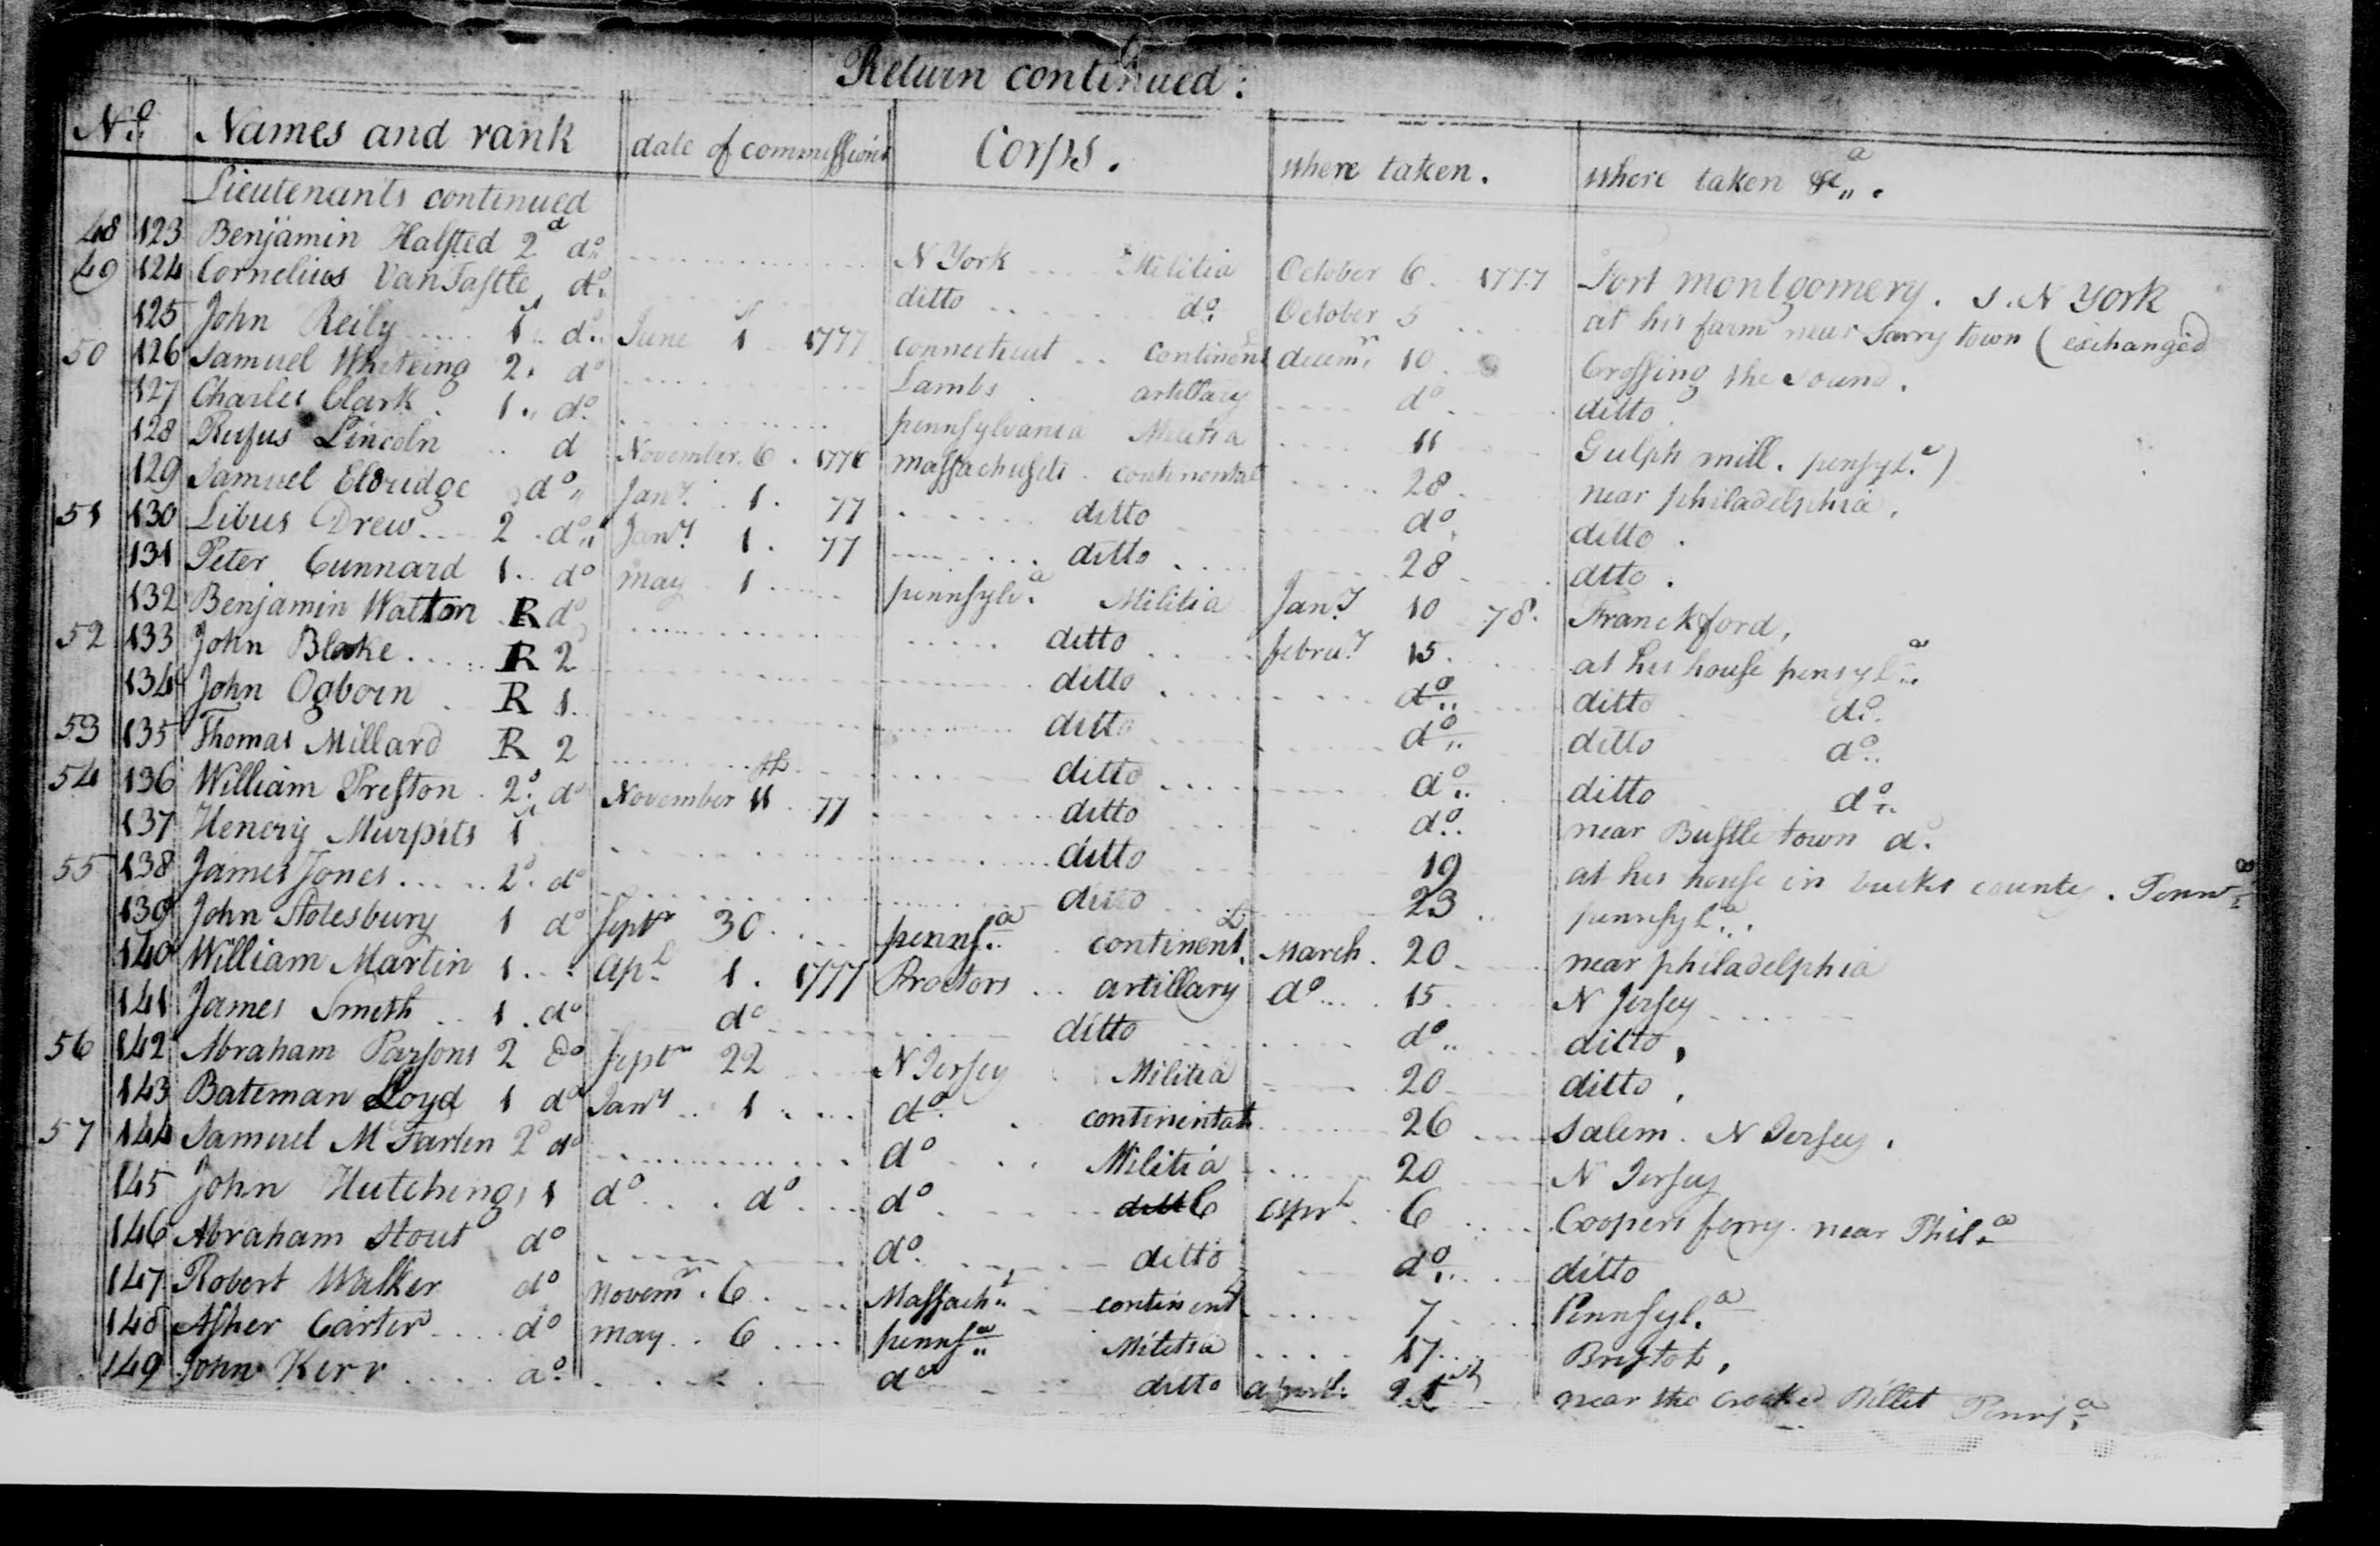Return continued: 
[column headings] No. Names and rank. date of commission. Corps. When taken. Where taken & a.".
Lieutenants continued. 
48 | 123 | Benjamin Halsted 2d do | ... | N York Militia | October 6, 1777 | Fort Montgomery. S. N York.
 49 | 124 | Cornelius VanTastle do | ...| ditto do | October 5 | at his farm near Tarry town (exchanged.
- | 125 | John Reily 1st do| June 1st 1777 | Connecticut Continentl. | Decemr. 10 | Crossing the sound. 
50 | 126 | Samuel Whiteing 2d do | ... | Lambs artillary |  do | ditto. 
- | 127 | Charles Clark 1s do | ...| Pennsylvania Militia | ...11 .. | Gulph mill. Pensyla.
- | 128 | Rufus Lincoln do | November 6, 1776 | Massachusets continental | ...28 .. | near Philadelphia. 
- | 129 | Samuel Eldridge do | Jany 1, 77 | ditto | do | ditto.
51 | 130 | Libus Drew 2. do | Jany 1, 77 | ditto | ..28.. | ditto. 
- | 131 | Peter Cunnard 1. do | May 1..| Pennsyla. Militia | Jany  10, 78 | Franckford. 
- | 132 | Benjamin Walton R do | ...|  ditto | Februy 15 | at his house Pensyla.
52 | 133 | John Blake R2 | ... | ditto | do | ditto do.
- | 134 | John Ogborn R 1 | ... | ditto | do | ditto do.
53 | 135 | Thomas Millard R 2 | ... | ditto | do | ditto do. 
54 | 136 | William Preston 2d do | November 11th, 77 | ditto | do | near Bustle town do. 
- | 137 | Henery Murpits 1s | ... | ditto | ..19 .. | at his in bucks county, Penna. 
55 | 138 | James Jones 2d do | ...| ditto | ...23.. | Pennsyla. 
- | 139 | John Stotesbury 1 do | Septr 30..| Pennsa. continentl. | March 20 | near Philadelphia.
- | 140 | William Martin 1..| Apl. 1, 1777 | Proctors artillary | do 15 | N Jersey. 
- | 141 | James Smith 1. do | do | ditto | do | ditto. 
56 | 142 | Abraham Parsons 2 do | Septr 22 | N Jersey Militia | .. 20 .. | ditto. 
- | 143 | Bateman Loyd 1 do | Jany 1 | do continental | .. 26 .. | Salem. N Jersey. 
57 | 144 | Samuel McFarlen 2d do | ... | do Militia | ... 20 | N Jersey. 
- | 145 | John Hutching 1 | do do | do C | Aprl 6 | Coopers ferry near Phila. 
- | 146 | Abraham Stout do | ... | do ditto | do | ditto.
- | 147 | Robert Walker do | Novemr 6 | Massacht. continentl. | ...7.. | Pennsyla.
- | 148 | Asher Carter do | May 6 | Pennsa. Militia | ...17 .. | Bristol. 
- | 149 | John Kerry do | ... | do ditto | April 11th | near the crooked Millet Pennsa.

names: Libus Drew, Peter Cunnard, William Preston, Bateman Loyd, William Martin, Abraham Parsons, John Hutching, John Reily, Rufus Lincoln, John Kerr, Robert Walker, James Smith, John Blake, James Jones, Benjamin Halsted, Charles Clark, Samuel Whiteing, Henery Murpits, Thomas Millard, Asher Carter, Samuel Mc Farlen, John Ogborn, Cornelius Van Tastle, Samuel Eldridge, Benjamin Walton, Abraham Stout, John Stotesbury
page: 27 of 57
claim: survivor's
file: S. 2161, Hezekiah Davies, Penn